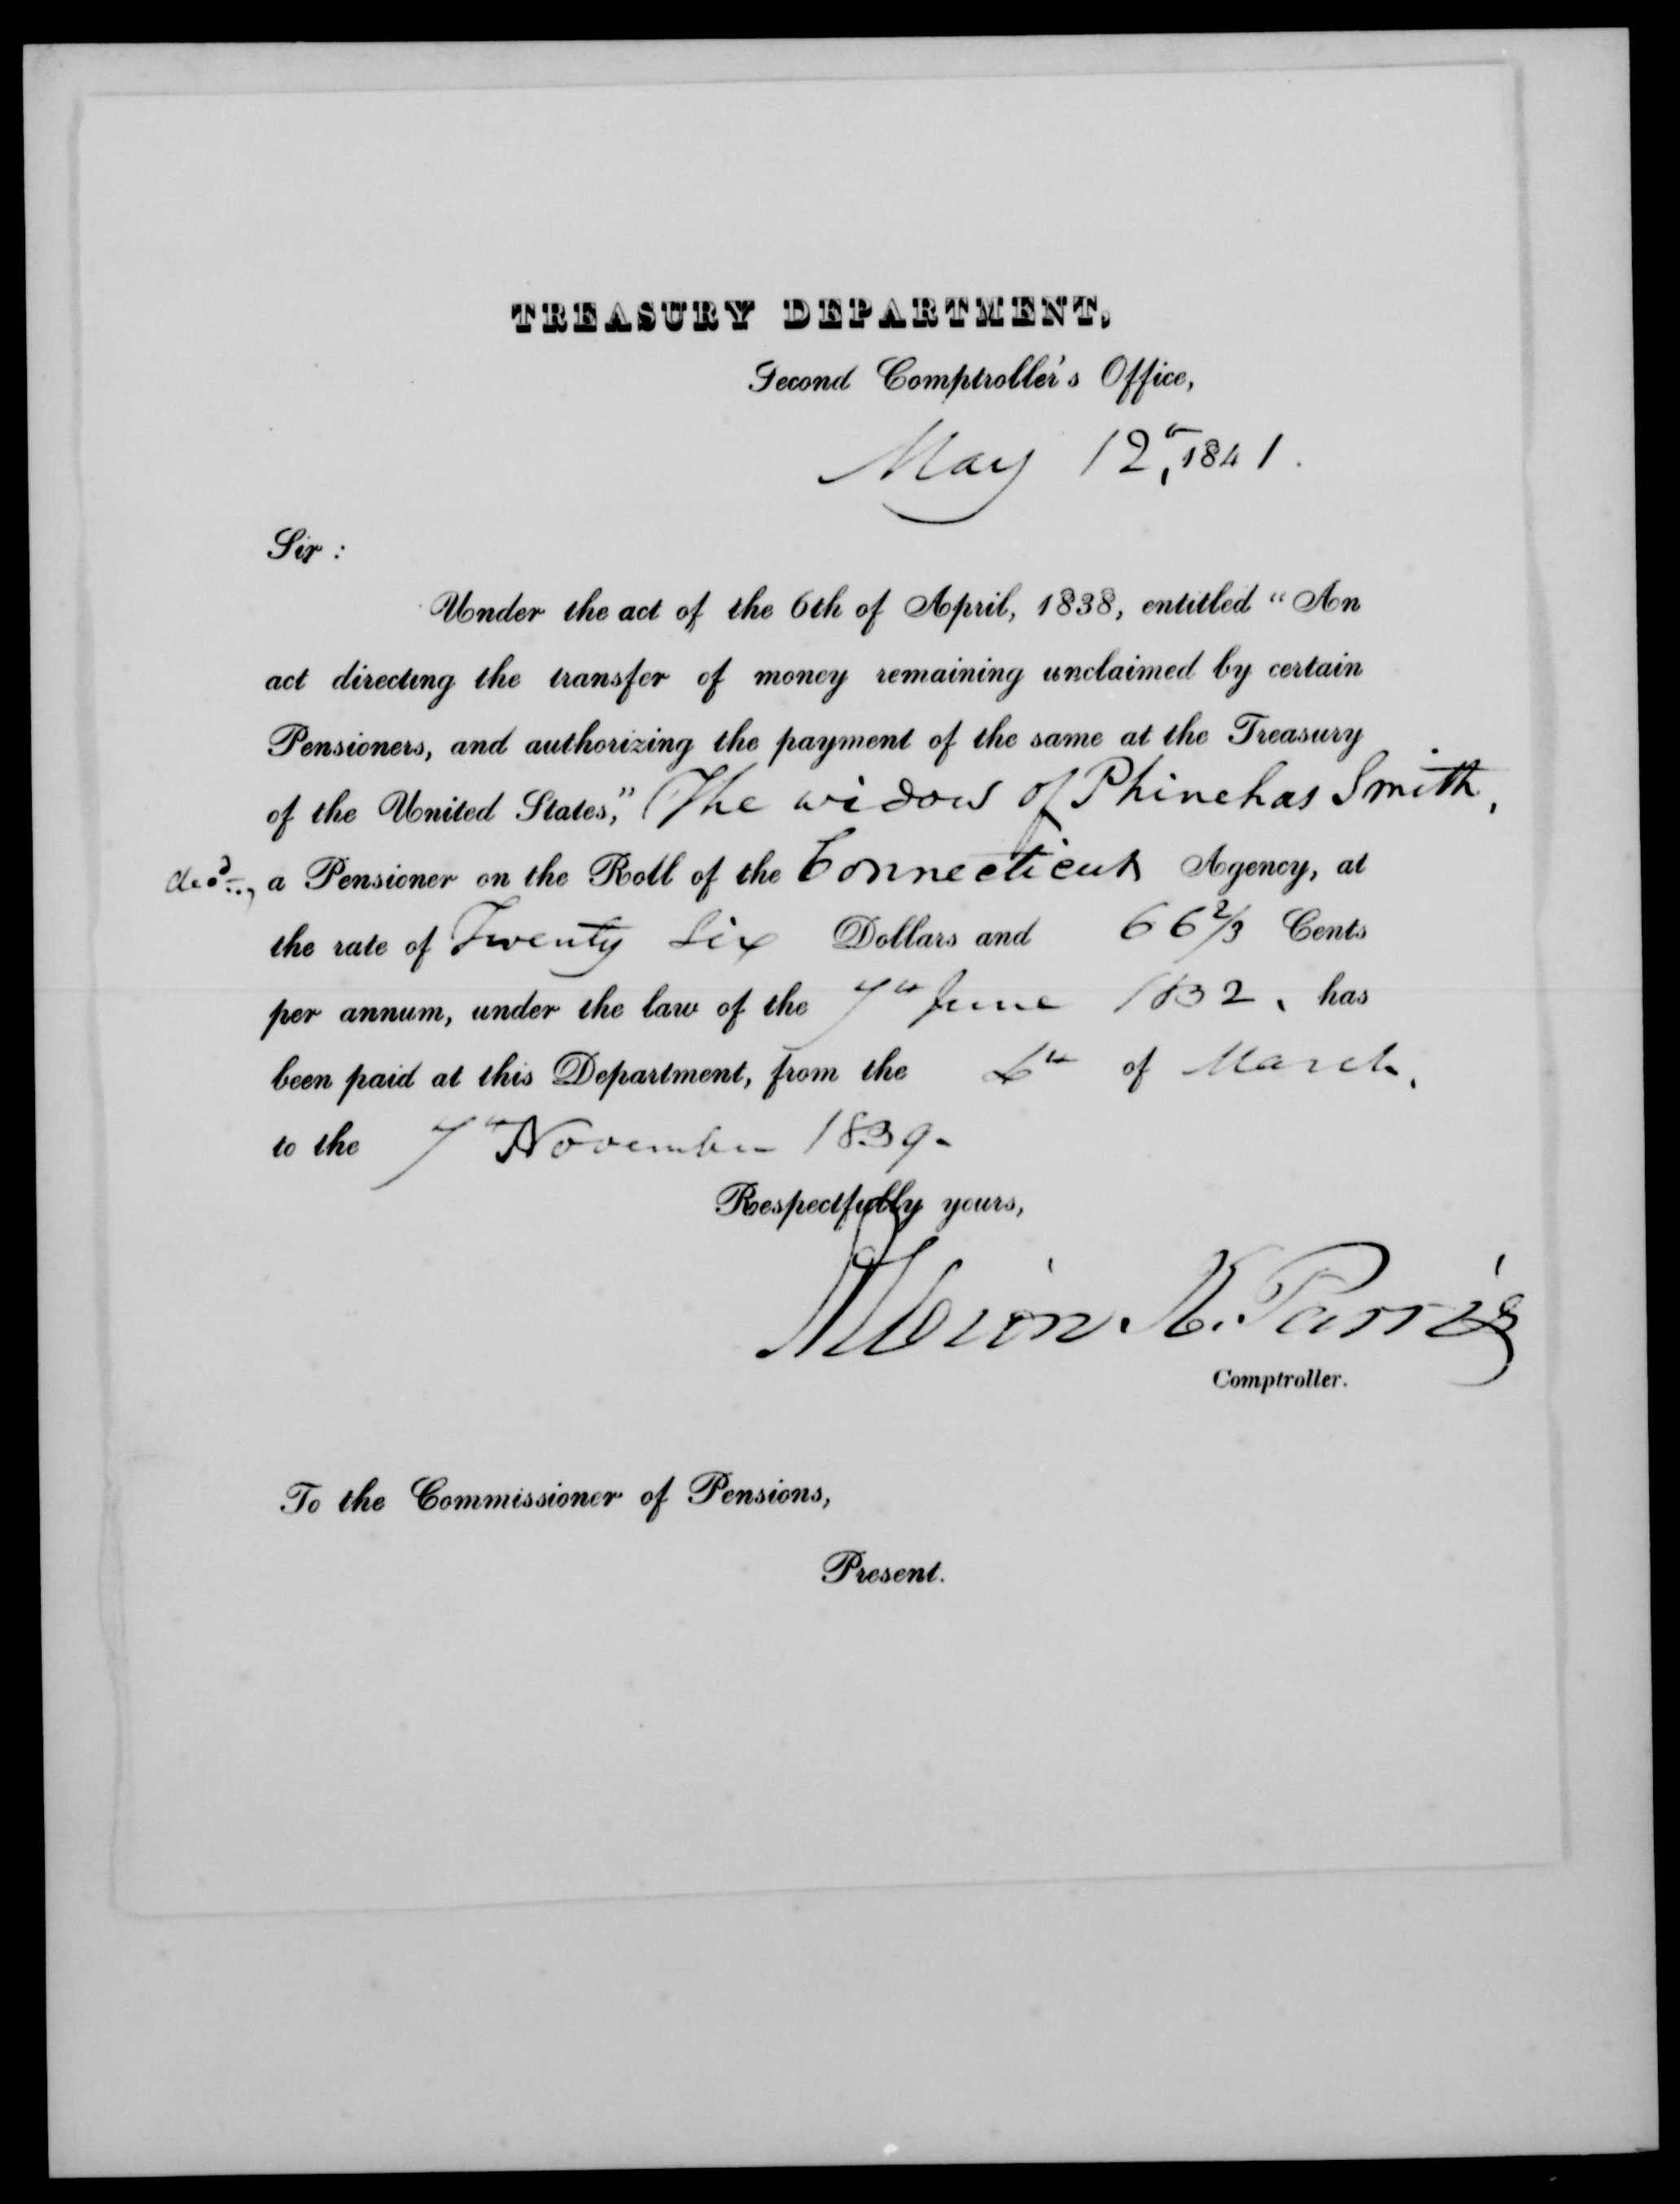TREASURY DEPARTMENT 
Second Comptroller's Office, 
May 12th 1841. 
Sir:
Under the act of the 6th of April, 1838, entitled "An act directing the transfer of money remaining unclaimed by certain Pensioners, and authorizing the payment of the same at the Treasury of the United States, The widow of Phinehas Smith a Pensioner on the Roll of the Connecticut Agency, at the rate of Twenty Six Dollars and 66 Cents per annum, under the law of the 7th June 1832, has been paid at this Department, from the 6th of March to the of November 1839.   
Respectfully yours, 
Albion K. Parris Comptroller. 
To the Commissioner of Pensions Present.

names: Albion K Parris; Phinehas Smith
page: 31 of 55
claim: widow's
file: W. 11480, for Phinehas Smith, Connecticut